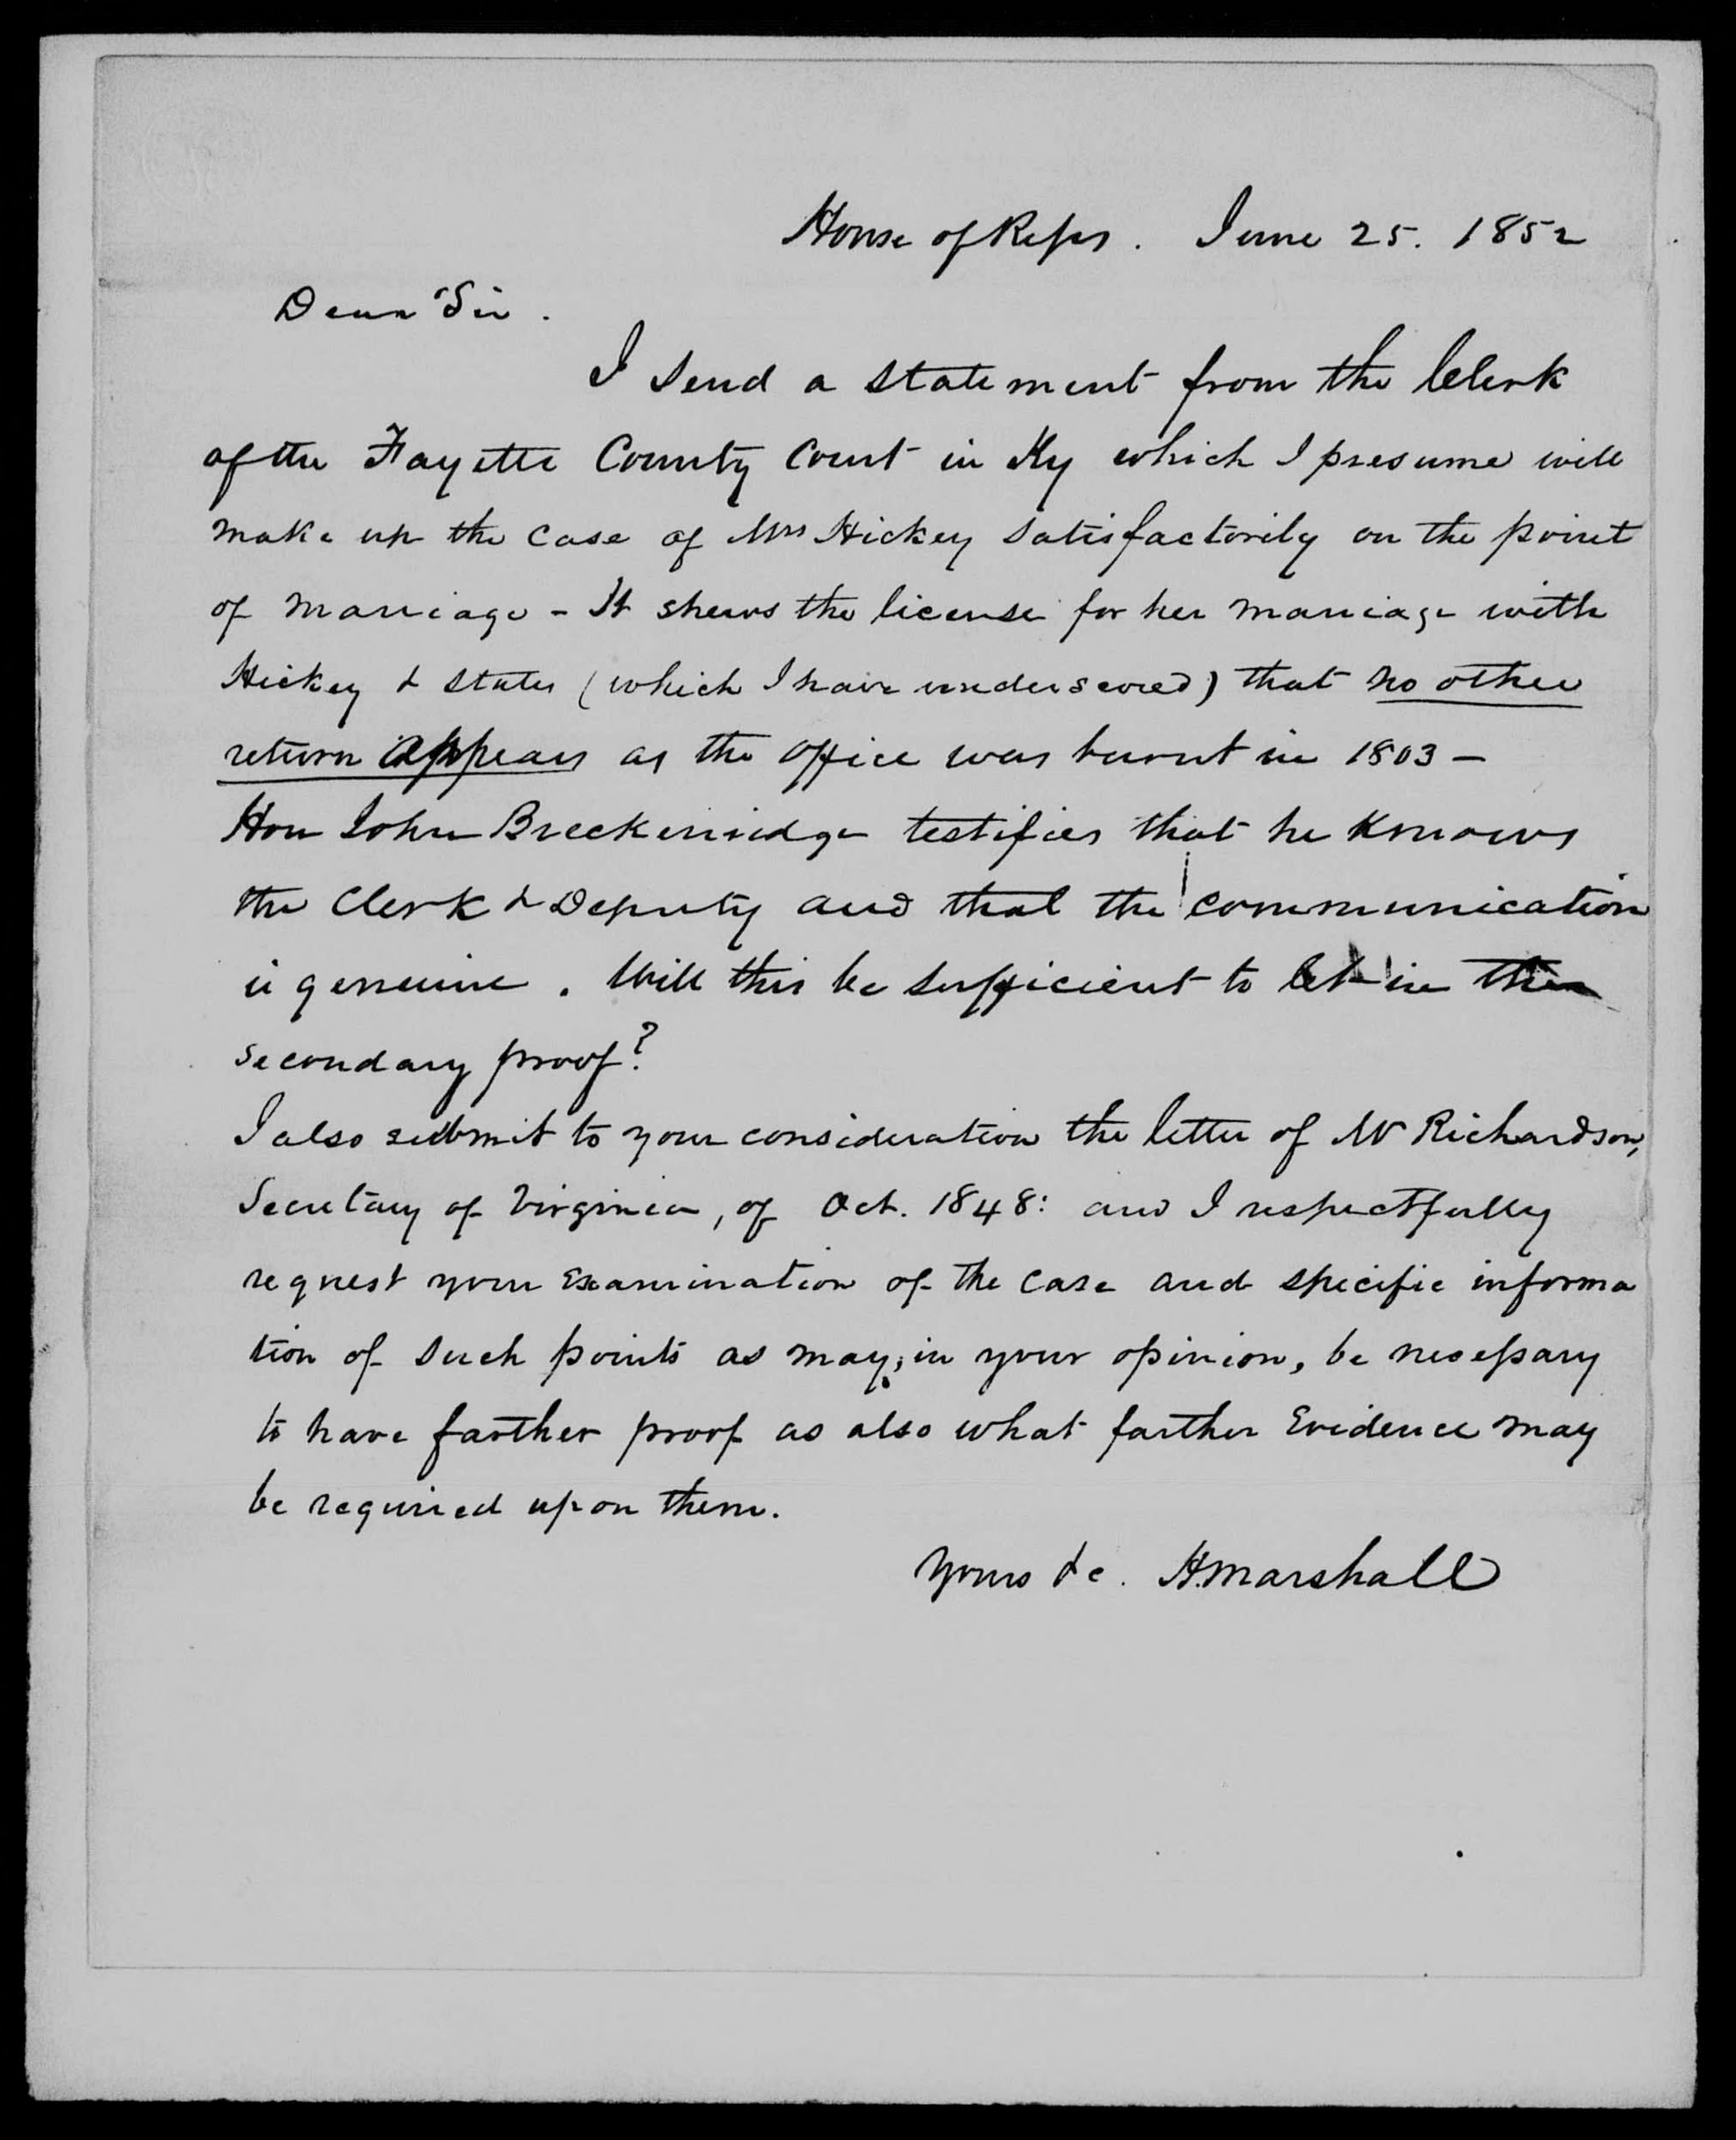[Breaks added for clarity of transcription]

House of Reps.  June 25. 1852

Dear Sir.

I send a statement from the Clerk of the Fayette County Court in Ky which I presume will make up the case of Mrs. Hickey satisfactorily on the point of marriage-  He shews the license for the marriage with Hickey & states (which I have underscored) that no other return appears as the office was burnt in 1803—

Hon John Breckenridge testifies that he knows the clerk & Deputy and that the communication is genuine.  Will this be sufficient to let in this secondary proof?

I also submit to your consideration the letter of Mr Richardson, Secretary of Virginia, of Oct. 1848: and I respectfully request your examination of the case and specific information of such points as may, in your opinion, be necessary to have further proof as also what further evidence may be required upon them.

Yours &c. H. Marshall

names: Hickey, Richardson, Hickey, John Breckenridge, H Marshall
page: 84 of 84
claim: widow's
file: W. 7744, Daniel Hickey, Penn.